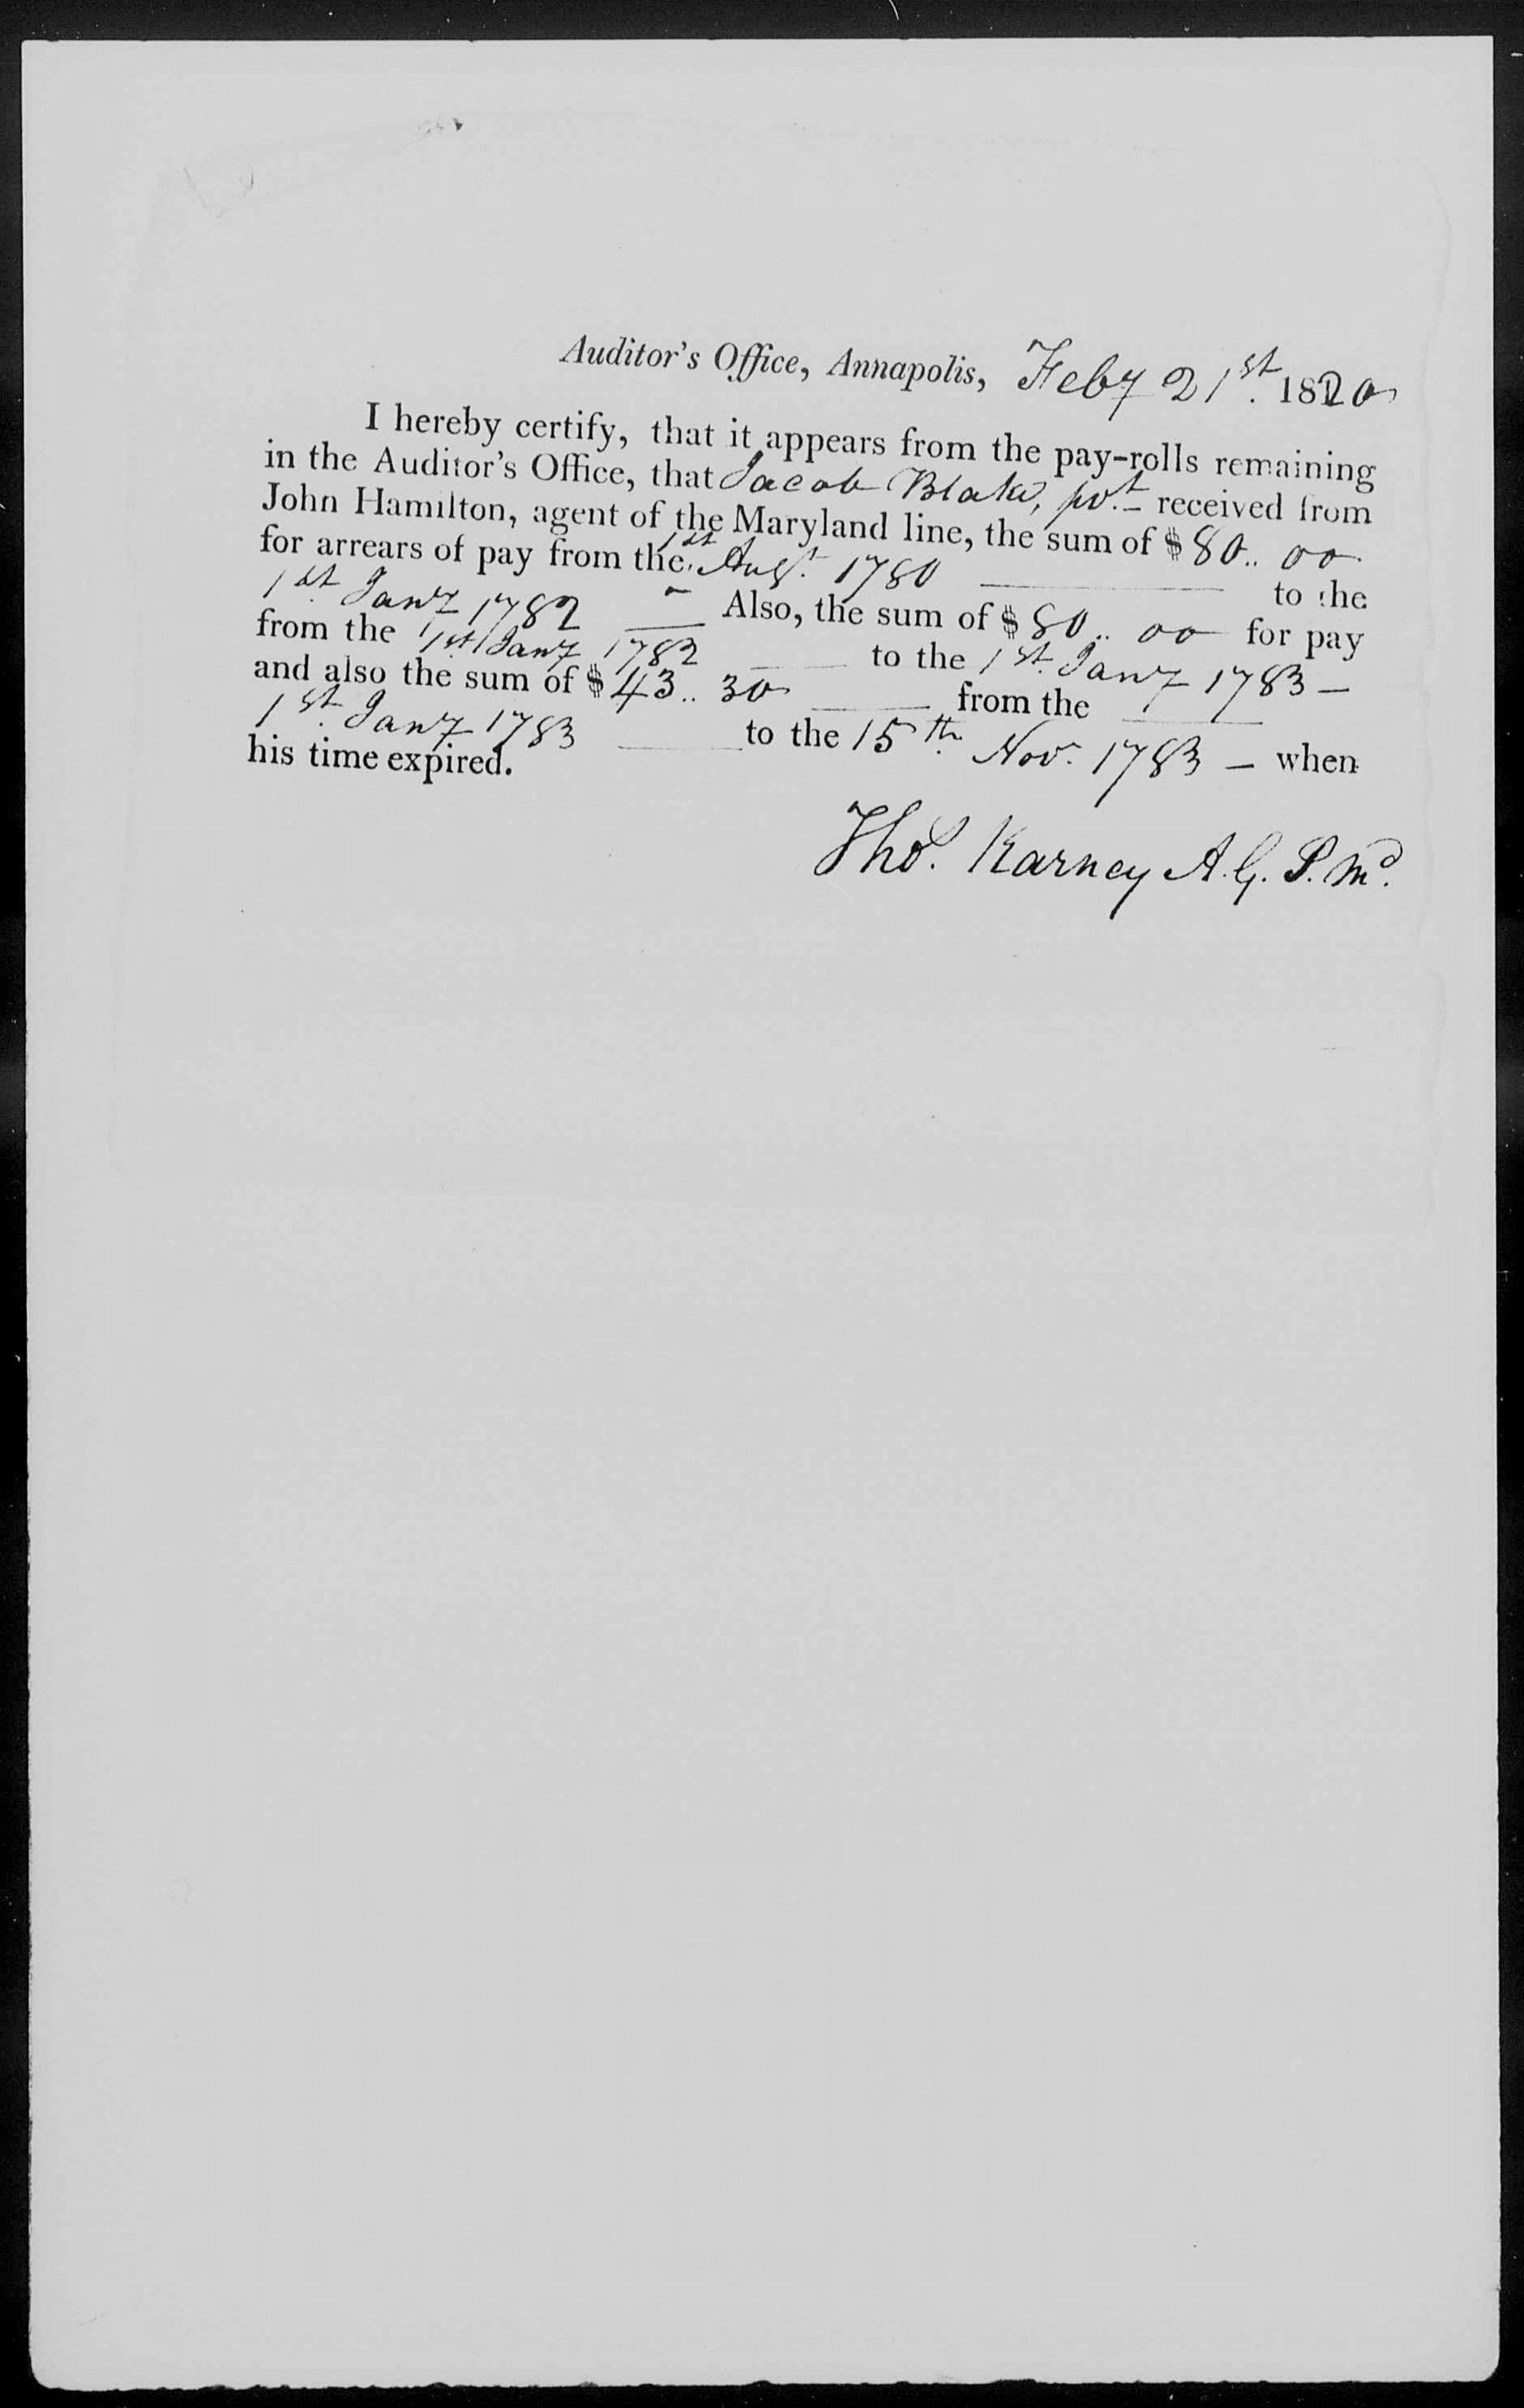Auditor’s Office, Annapolis, Feby 21st. 1820

I hereby certify that it appears from the payrolls remaining in the Auditor’s Office, that Jacob Blake, private received from John Hamilton, agent of the Maryland line, the sum of $80.00 for arrears of pay from the 1st Aug. 1780 to the 1st. Jany 1782 Also, the sum of $80.00 for pay from the 1st Jany 1782 to the 1st Jany 1783 and also the sum of $43.30 from the 1st Jany 1783 to the 15th. Nov. 1783 when his time expired.

Thos. Karney A.G. S. Md.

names: Jacob Blake, Thos Karney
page: 16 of 18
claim: survivor's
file: S. 34654, Jacob Blake, Md.